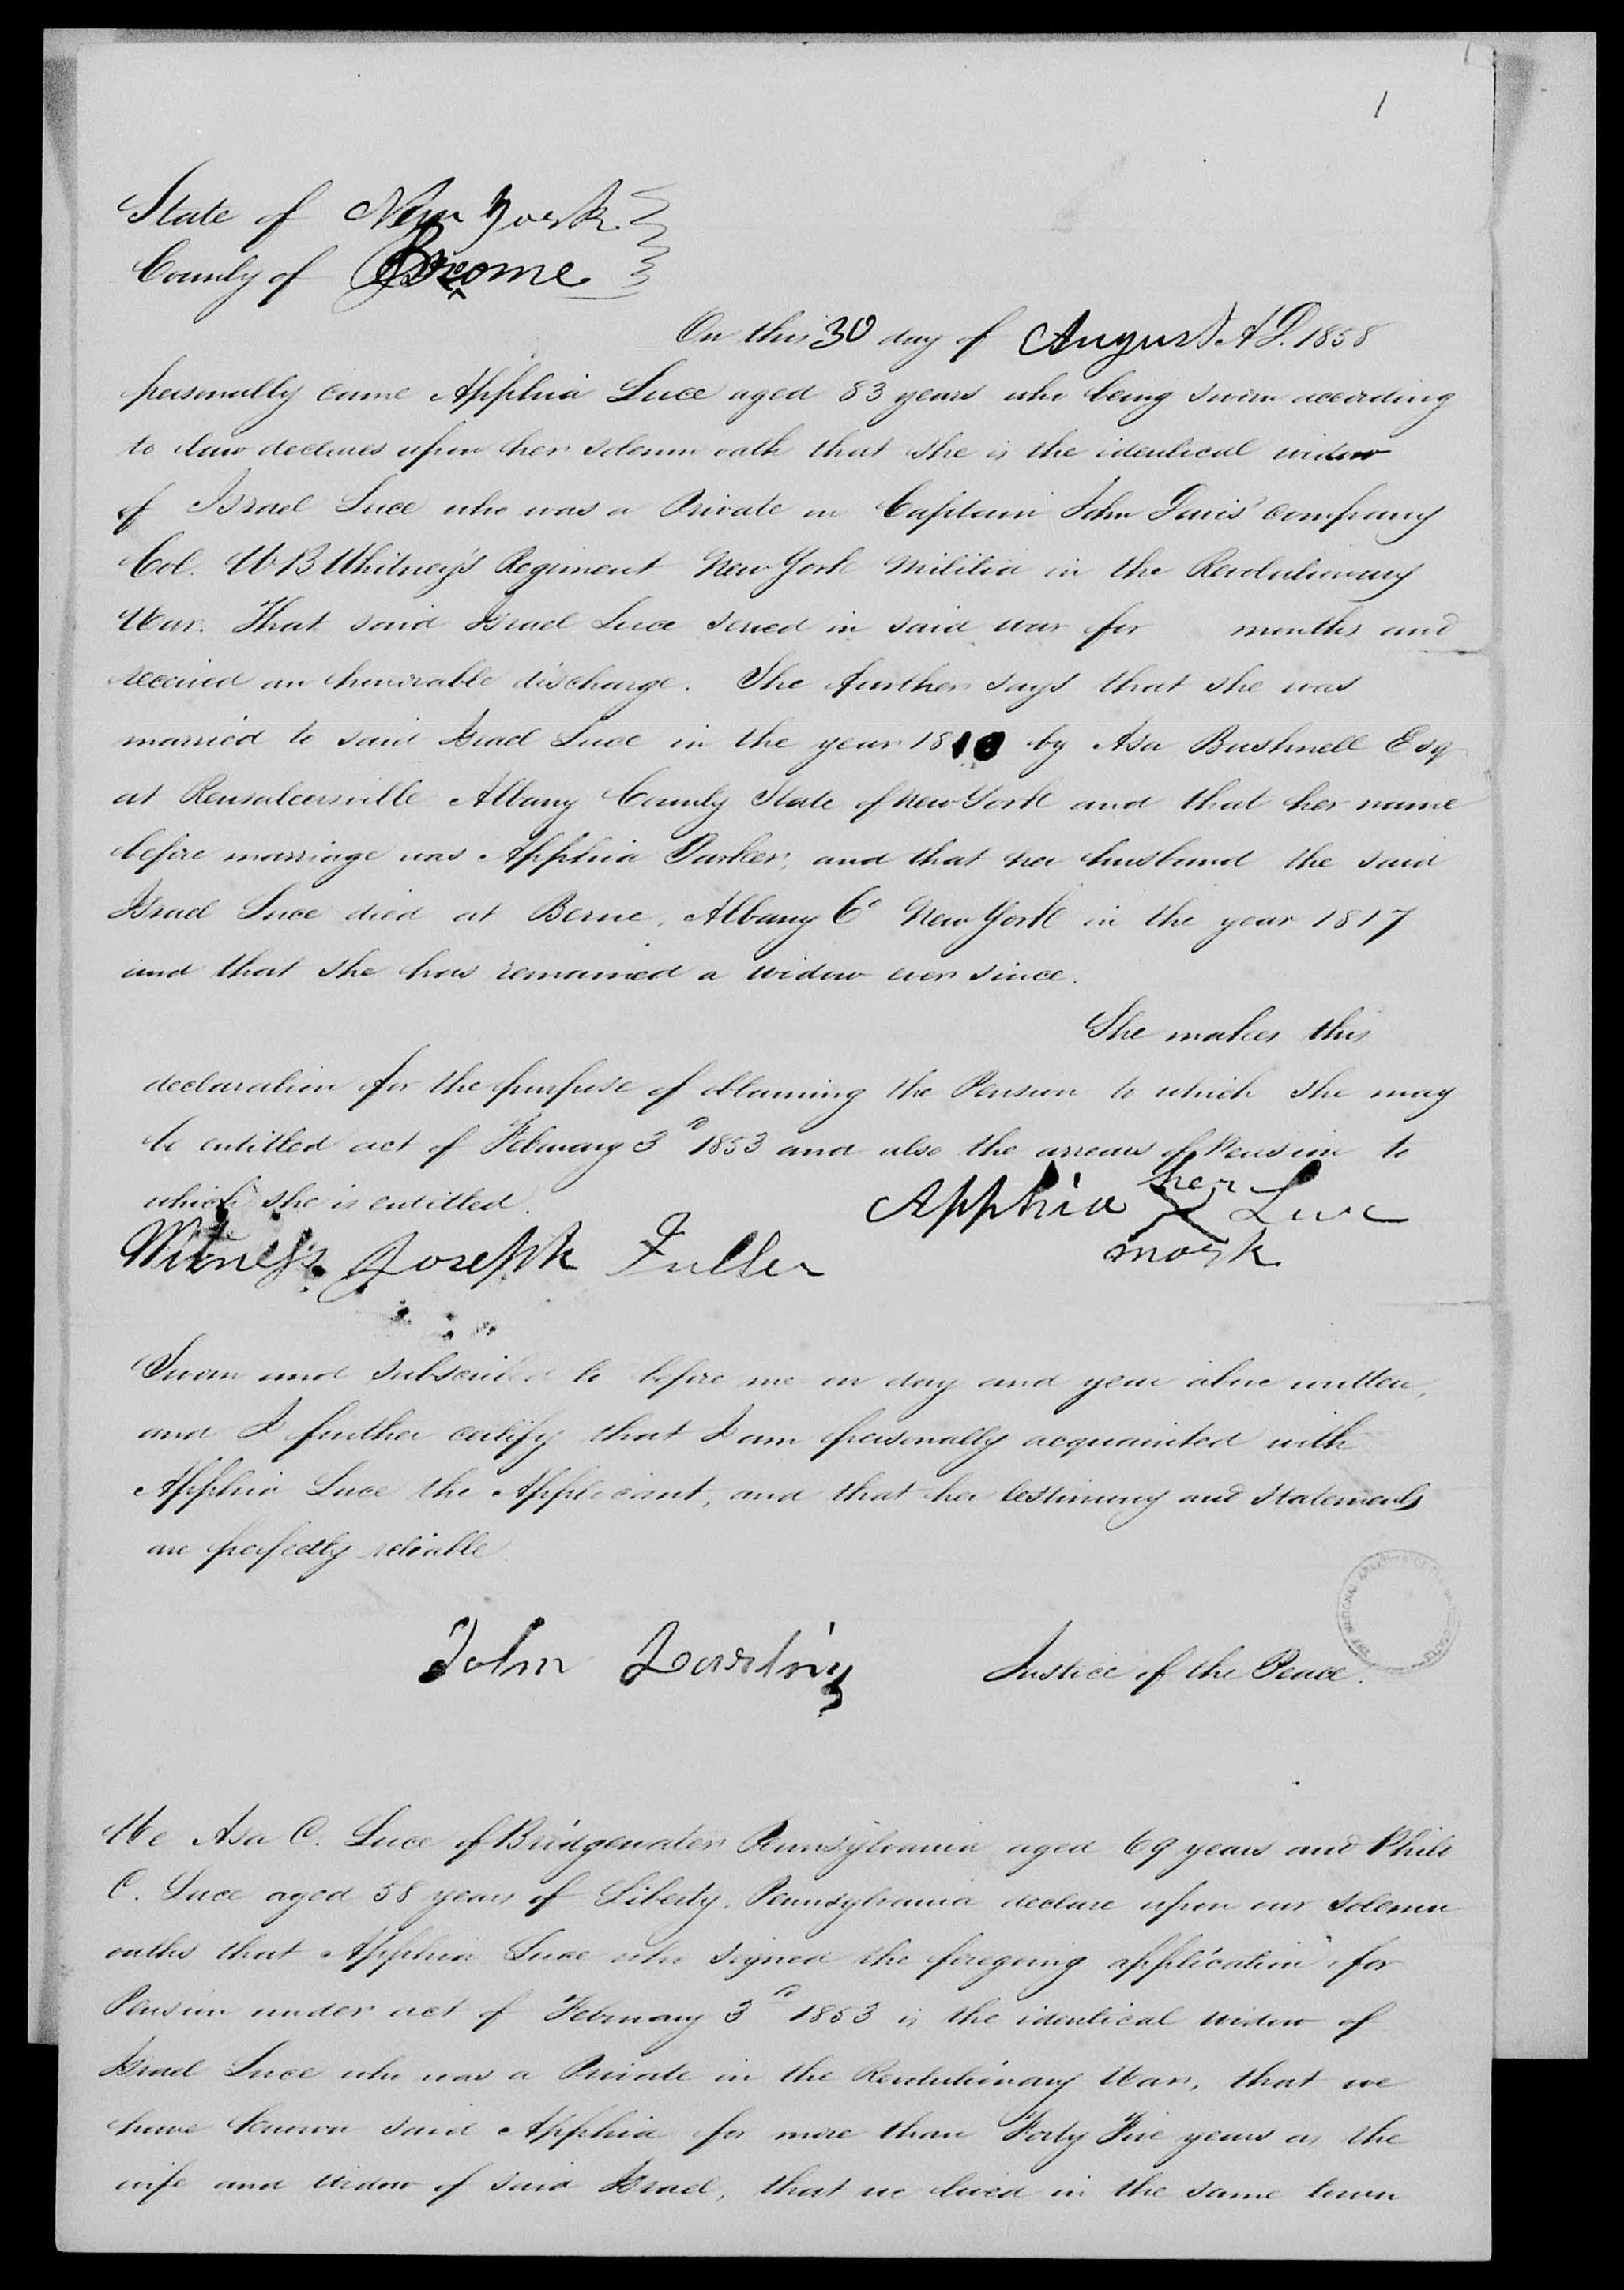State of New York
County of Broome

On the 30 day of August AD. 1858 personally came Apphia Luce aged 83 years who being sworn according to law declares upon her solemn oath that she is the identical widow of Israel Luce who was a Private in Captain John Davis' company Col. WB Whitney's Regiment New York Militia in the Revolutionary War.  That said Israel Luce served in said war for months and received an honorable discharge.  She further says that she was married to said Israel Luce in the year 1810 by Asa Bushnell Esq at Rensaleersville [Rensselaerville] Albany County State of New York and that her name before marriage was Apphia Parker, and that her husband the said Israel Luce died at Berne, Albany Co New York in the year 1817 and that she has remained a widow ever since.

She makes this declaration for the purpose of obtaining the Pension to which she may be entitled act of February 3rd 1853 and also the arrears of Pension to which she is entitled.

[signed] Apphia Luce
X her mark

[signed]
Witness Joseph Fuller

Sworn and subscribed to before me on day and year above written and I further certify that I am personally acquainted with Apphia Luce the Applicant, and that her testimony and statements are perfectly reliable

[signed]
John Darling  Justice of the Peace

[stamped] THE NATIONAL ARHIVES OF THE UNITED STATES

We Asa C. Luce of Bridgewater Pennsylvania aged 69 years and Philo C. Luce aged 58 years of Liberty Pennsylvania declare upon our solemn oaths that Apphia Luce who signed the foregoing application for Pension under act of February 3rd 1853 is the identical widow of Israel Luce who was a Private in the Revolutionary War, that we have known said Apphia for more than Forty Five years as the wife and widow of said Israel, that we lived in the same town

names: Joseph Fuller; Apphia Luce; Israel Luce; John Darling; Asa C Luce; Asa Bushnell; Apphia Parker; Philo C Luce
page: 15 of 70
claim: rejected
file: R. 6510, for Israel Luce, New York